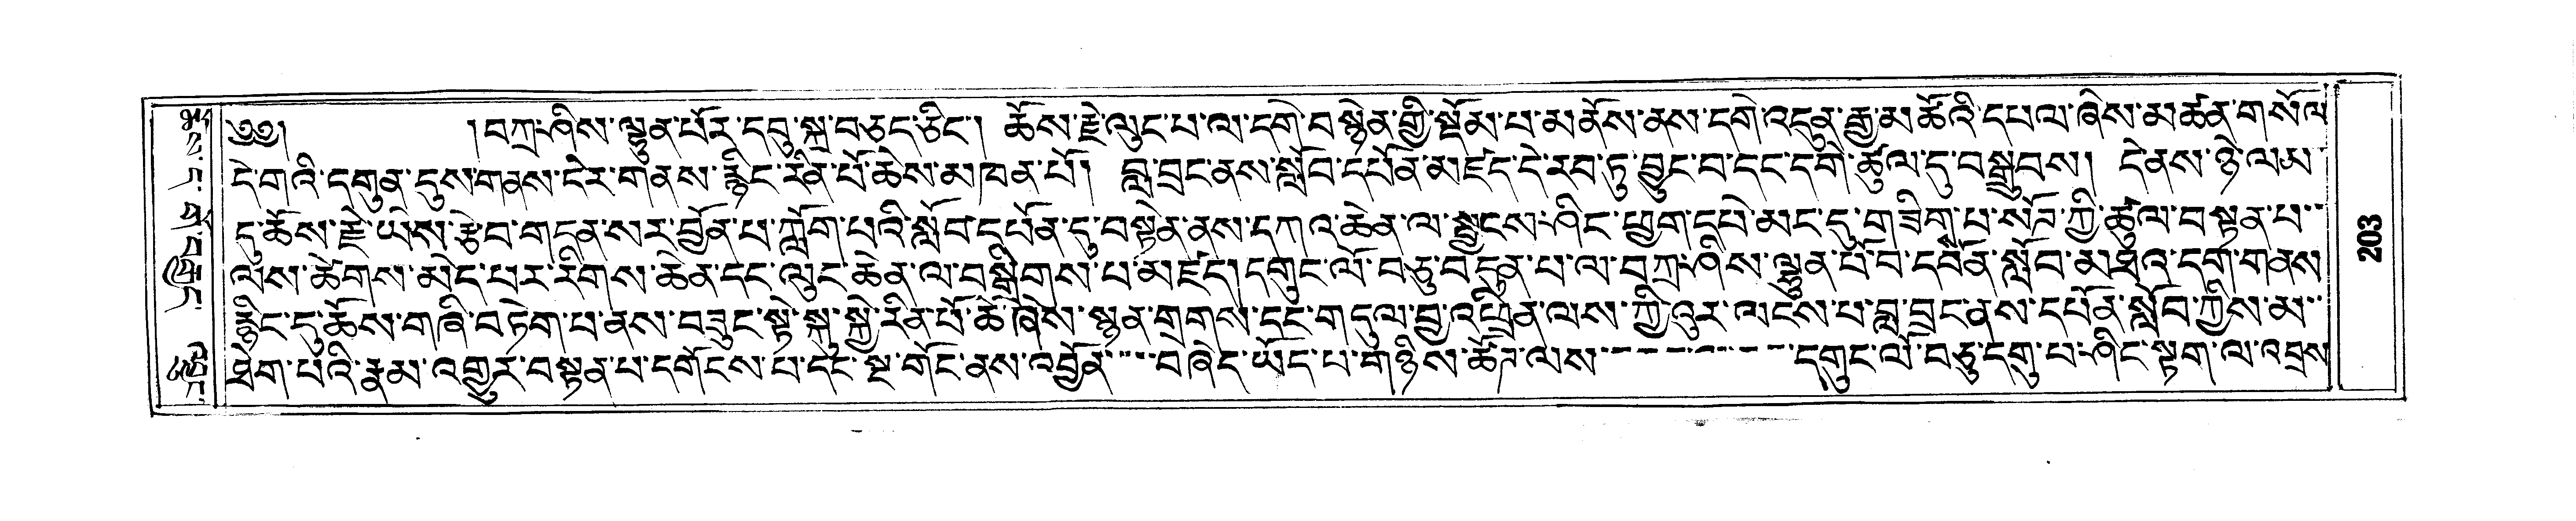༄༅། །བཀྲ་ཤིས་ལྷུན་པོར་དབུ་སྐྲ་བཅད་ཅིང་། ཆོས་རྗེ་ལུང་པ་ལ་དགེ་བསྙེན་གྱི་སྡོམ་པ་མནོས་ནས་དགེ་འདུན་རྒྱ་མཚོའི་དཔལ་ཞེས་མཚན་གསོལ་
དེ་གའི་དགུན་དུས་གནས་དེར་གནས་རྙིང་རིན་པོ་ཆེས་མཁན་པོ། བླ་བྲང་ནས་སློབ་དཔོན་མཛད་དེ་རབ་ཏུ་བྱུང་བ་དང་དགེ་ཚུལ་དུ་བསྒྲུབས། དེ་ནས་ཉེ་ལམ་
དུ་ཆོས་རྗེ་ཡེས་རྩེབ་གདན་སར་བྱོན་པ་ཀློག་པའི་སློབ་དཔོན་དུ་བསྟེན་ནས་དཀའ་ཆེན་ལ་སྦྱངས་ཤིང་ཕྱག་དཔེ་མང་དུ་གཟིགས་པ་སོཊ་ཀྱི་ཚུལ་བསྟན་པ་
ལས་ཚེགས་མེད་པར་རིགས་ཆེན་དང་ལུང་ཆེན་ལ་བསྒྲིགས་པ་མཛད། དགུང་ལོ་བཅུ་བདུན་པ་ལ་བཀྲ་ཤིས་ལྷུན་པོ་དབོན་སློབ་མཐའ་དག་གནས་
རྙིང་དུ་ཆོས་གཞི་བཏེག་པ་ནས་བཟུང་སྟེ་སྐུ་སྐྱེ་རིན་པོ་ཆེ་ཞེས་སྙན་གྲགས་དང་གདུལ་བྱ་འཕྲིན་ལས་ཀྱི་འུར་ལངས་པ་བླ་བྲང་ནས་དཔོན་སློབ་ཀྱིས་མ་
ཐེག་པའི་རྣམ་འགྱུར་བསྟན་པ་དགོངས་པ་དང་སྔ་གོང་ནས་འབྱོན་བཞེད་ཡོད་པ་གཉིས་ཚོཊ་ལས་དགུང་ལོ་བཅུ་དགུ་པ་ཤིང་སྟག་ལ་འབྲས་